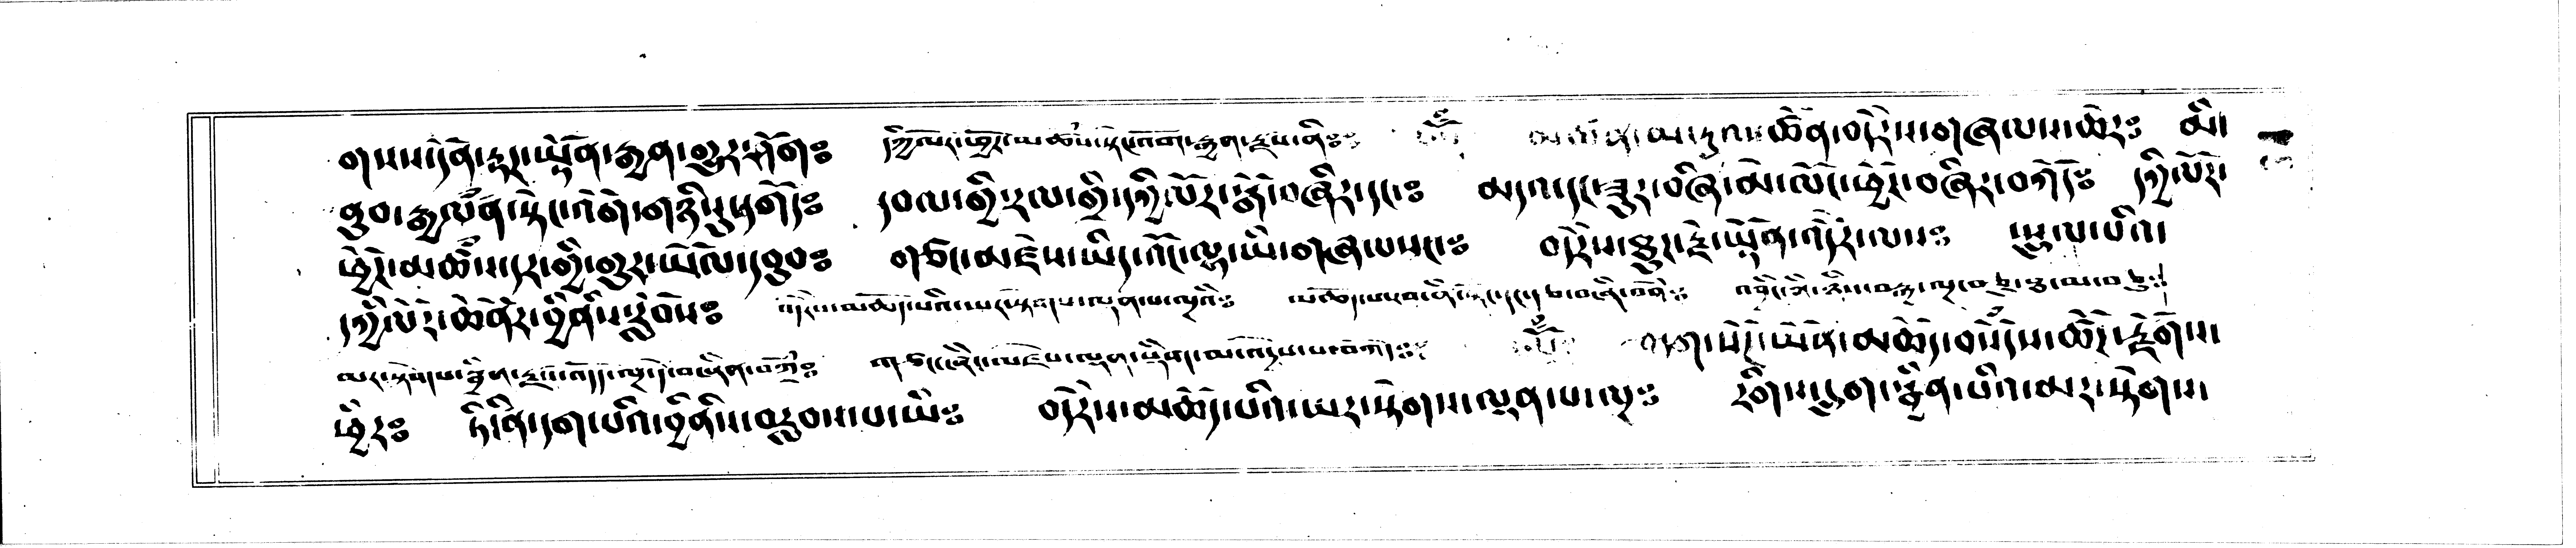གསས་དོན་རྟགས་ཡོན་ཏན་རྒྱན་གྱུར་ཤོགཿ དཀྱིལ་འཁོར་ཕྱོགས་མཚམས་སྟེང་འོག་རྒྱན་རྫས་ནིཿ ཨཱོྃཿ མཚན་མ་རྡུལ་ཚོན་བདེར་གཤེགས་གཞལ་ཡས་ཆེརཿ མི་
ནུབ་རྒྱལ་མཚན་སྟེང་འོག་གཉིས་སུ་དགོདཿ དབལ་གྱི་རལ་གྲི་དཀྱིལ་འཁོར་སྒོ་བཞིར་དངཿ མདའ་དང་ཟུར་བཞི་མེ་ལོང་ཕྱོགས་བཞིེར་བཀོདཿ དཀྱིལ་འཁོར་
ཕྱོགས་མཚམས་དར་གྱི་གུར་ཡོལ་དབུབཿ གཙང་མཛེས་ཡིད་འོང་ལྷ་ཡི་གཞལ་ཡས་ཁངཿ བདེར་གཤེགས་ཐུགས་རྗེ་ཡོན་ཏན་འོད་ཟེར་ལསཿ སྤྲུལ་པའི་
དཀྱིལ་འཁོར་ཆེན་པོར་བྱིན་གྱིས་རློབསཿ བདེར་གཤེགས་མཆོད་པའི་ཡར་སྟེགས་ལྡན་པ་ལྔའིཿ མཆོད་པ་རབ་ནི་སྟོང་དང་རྩ་བཞི་བཤམཿ འབྲིང་ནི་ཉིས་བརྒྱ་ལྔ་བཅུ་ཐ་མ་བཅུཿ 
མར་སྟེགས་སྦྱིན་རྫས་འདོད་ལྔ་དེ་བཞིན་བཀྲམཿ གཙང་ཞིང་མཛེས་ལྡན་སྡིག་མ་འདྲེས་པ་བཀོདཿ ཨཱོྃཿ བདག་སོགས་ཡོན་མཆོད་བསོད་ནམས་ཚོགས་རྫོགས་
ཕྱིརཿ ཏིང་འཛིན་དག་པའི་བྱིན་གྱིས་བརླབས་པ་ཡིཿ བདེར་གཤེགས་མཆོད་པའི་ཡར་སྟེགས་ལྡན་པ་ལྔཿ རིགས་དྲུག་སྦྱིན་པའི་མར་སྟེགས་